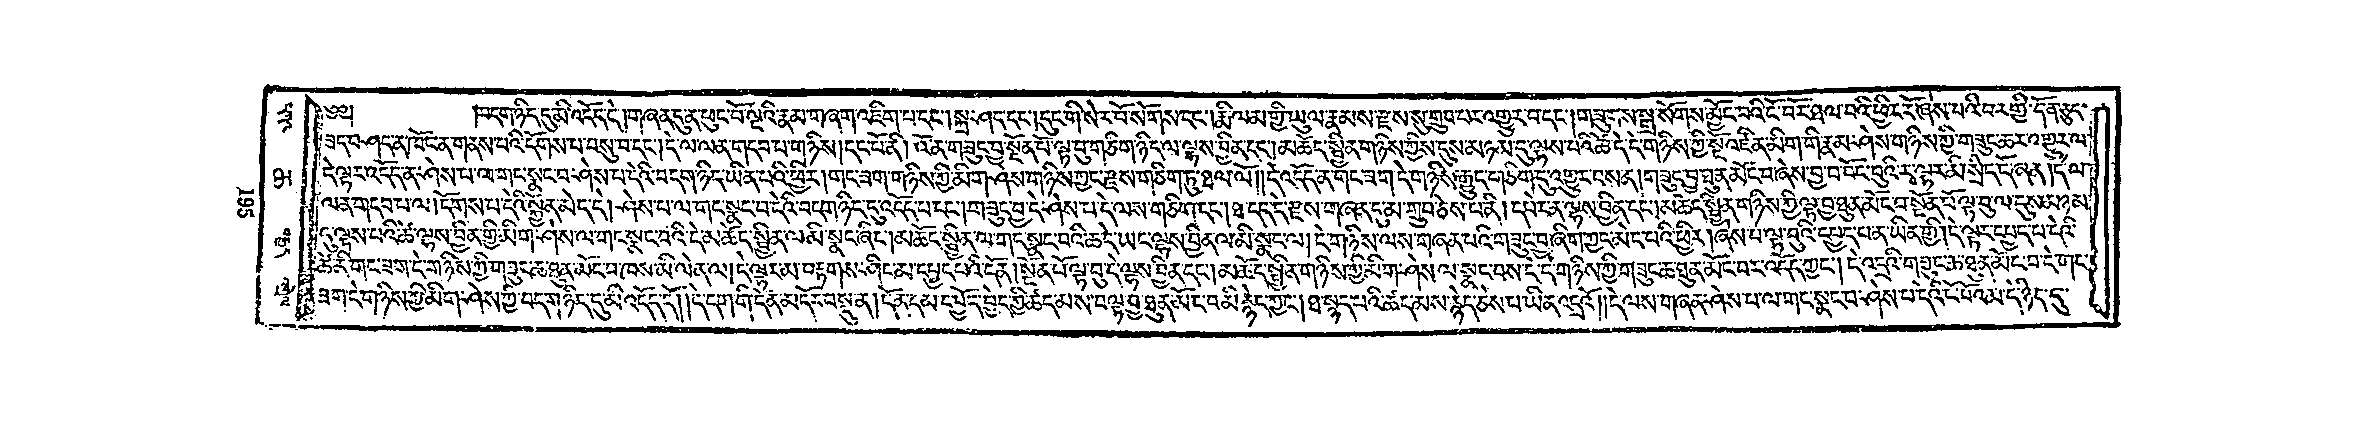༄༅། །བདག་ཉིད་དུ་མི་འདོད་དེ། གཞན་དུ་ན་ཕུང་པོ་ལྔའི་རྣམ་གཞག་འཇིག་པ་དང་། སྒྲ་ཤད་དང་། དུང་གི་སེར་པོ་སོགས་དང་། རྨི་ལམ་གྱི་ཡུལ་རྣམས་རྫས་སུ་གྲུབ་པར་འགྱུར་བ་དང་། གཟུགས་སྒྲ་སོགས་མྱོང་བའི་ངོ་བོར་ཐལ་བའི་ཕྱིར་རོ་ཞེས་པའི་བར་གྱི་དོན་ཅུང་
ཟད་བཤད་ན་ཁོང་ན་གནས་པའི་དོགས་པ་བསུ་བ་དང་། དེ་ལ་ལན་གདབ་པ་གཉིས། དང་པོ་ནི། འོན་གཟུང་བྱ་སྔོན་པོ་ལྟ་བུ་གཅིག་ཉིད་ལ་ལྷས་བྱིན་དང་། མཆོད་སྦྱིན་གཉིས་ཀྱིས་དུས་མཉམ་དུ་ལྟས་པའི་ཚེ་དེ་དེ་གཉིས་ཀྱི་སྔོ་འཛིན་མིག་གི་རྣམ་ཤེས་ཀྱི་གཟུང་ཆར་འགྱུར་ལ་
དེ་ལྟར་འདོད་ན་ཤེས་པ་ལ་གང་སྣང་བ་ཤེས་པ་དེའི་བདག་ཉིད་ཡིན་པའི་ཕྱིར། གང་ཟག་གཉིས་ཀྱི་མིག་ཤེས་གཉིས་ཀྱང་རྫས་གཅིག་ཏུ་ཐལ་ལོ། །དེ་འདོད་ན་གང་ཟག་དེ་གཉིས་རྒྱུད་གཅིག་དུ་འགྱུར་བས་ན། གཟུང་བྱ་ཐུན་མོང་བ་ཞེས་བྱ་བ་བོང་བུའི་རྭ་ལྟར་མི་སྲིད་དོ་ཞན། དེ་ལ་
ལན་གདབ་པ་ལ། དོགས་པ་དེའི་སྐྱོན་མེད་དེ། ཤེས་པ་ལ་གང་སྣང་བ་དེའི་བདག་ཉིད་དུ་འདོད་པ་དང་། གཟུང་བྱ་དེ་ཤེས་པ་དེ་ལས་གཅིག་དང་། ཐ་དད་དེ་རྫས་གཞན་དུ་མ་གྲུབ་ཅེས་པ་ནི། དཔེར་ན་ལྷས་བྱིན་དང་། མཆོད་སྦྱིན་གཉིས་ཀྱི་ལྟ་བྱ་ཐུན་མོང་བ་སྔོན་པོ་ལྟ་བུ་ལ་དུས་མཉམ་
དུ་ལྟས་པའི་ཚེ་ལྷས་བྱིན་གྱི་མིག་ཤེས་ལ་གང་སྣང་བའི་དེ་མཆོད་སྦྱིན་ལ་མི་སྣང་ཞིང་། མཆོད་སྦྱིན་ལ་གང་སྣང་བའི་ཆ་དེ་ཡང་ལྷས་བྱིན་ལ་མི་སྣང་ལ། དེ་གཉིས་ལས་གཞན་པའི་གཟུང་བྱ་ཞིག་ཀྱང་མེད་པའི་ཕྱིར། ཞེས་པ་ལྟ་བུའི་དཔྱད་པ་ན་ཡིན་གྱི། དེ་ལྟར་དཔྱད་པ་དེའི་
ཚེ་ནི་གང་ཟག་དེ་གཉིས་ཀྱི་གཟུང་ཆ་ཐུན་མོང་བ་ཁས་མི་ལེན་ལ། དེ་ལྟར་མ་བརྟགས་ཤིང་མ་དཔྱད་པའི་དོན། སྔོན་པོ་ལྟ་བུ་དེ་ལྷས་བྱིན་དང་། མཆོད་སྦྱིན་གཉིས་ཀྱི་མིག་ཤེས་ལ་སྣང་བས་དེ་དེ་གཉིས་ཀྱི་གཟུང་ཆ་ཐུན་མོང་བར་འདོད་ཀྱང་། དེ་འདྲའི་གཟུང་ཆ་ཐུན་མོང་བ་དེ་གང་
ཟག་དེ་གཉིས་ཀྱི་མིག་ཤེས་ཀྱི་བདག་ཉིད་དུ་མི་འདོད་དོ། དེ་ད་གི་དོན་མདོར་བསྡུ་ན། དོན་དམ་དཔྱོད་བྱེད་ཀྱི་ཚད་མས་བལྟ་བྱ་ཐུན་མོང་བ་མི་རྙེད་ཀྱང་། ཐ་སྙད་པའི་ཚད་མས་རྙེད་ཅེས་པ་ཡིན་འདྲའོ། །དེ་ལས་གཞན་ཤེས་པ་ལ་གང་སྣང་བ་ཤེས་པ་དེའི་ངོ་བོ་བོའམ་དེ་ཉིད་དུ་